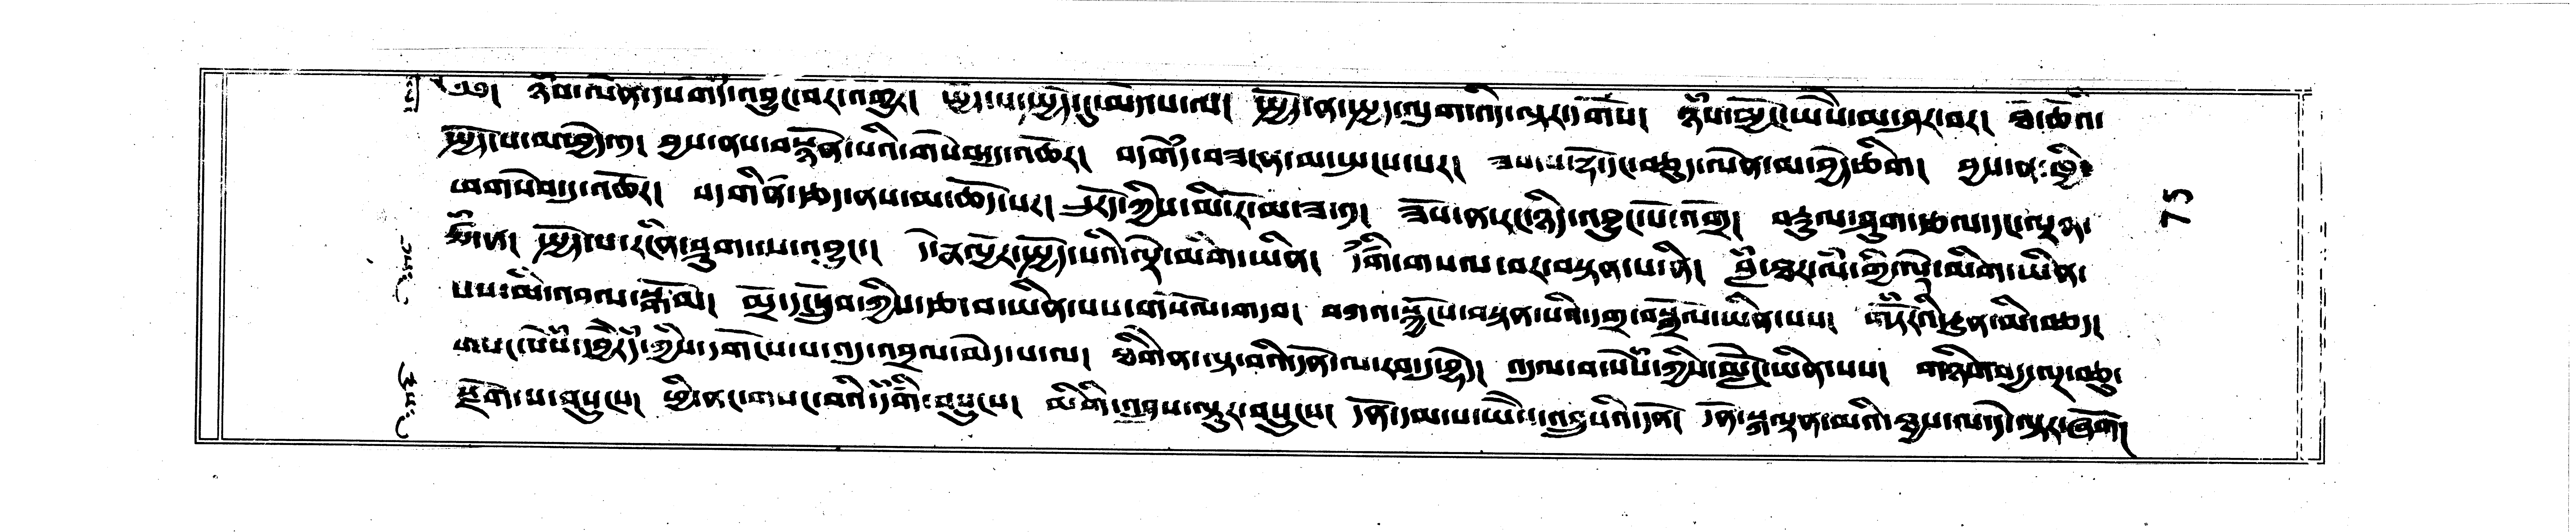ཉམས་ལེན་དཔག་མེད་འབྱུང་བར་འགྱུར། སྤྱོད་པ་སྤྱོད་དུ་མེད་པ་ལ། སྤྱོད་ན་སྤྱད་ལུགས་འདི་ལྟར་དགོས། ཉམས་མྱོང་ཡེ་ཤེས་མ་ཤར་བར། ཐོ་ཆོའི་
སྤྱོད་པ་མ་བྱེད་ཅིག བྱས་ན་བསྙོན་པའི་གསེབ་ཏུ་འཆོར། བདག་མེད་བཟང་ངན་མ་སྤངས་པར། ཟས་ས་རྡོ་དང་བཅུད་ལེན་མ་བྱེད་ཅིག བྱས་ན་ཁྱི་
ཕག་གསེབ་ཏུ་འཆོར། བདག་འཛིན་རྩད་ནས་མ་ཆོད་པར། དུར་ཁྲོད་ཀྱི་མི་རོ་མ་ཟ་ཅིག ཟོས་ན་རང་ཉིད་འབྱུང་པོ་འགྲོ། རྟུལ་ཞུགས་རྩལ་དང་ལྡན་
ཙམ་ན། སྤྱོད་པ་རང་བཞིན་ཤུགས་ལས་འབྱུང་། དེ་རྣལ་འབྱོར་སྤྱོད་པའི་ལྡེ་མིག་ཡིན། དམ་ཚིག་གསལ་བར་བསྟན་པ་ནི། བླ་མ་ཐར་ལམ་གྱི་ལྡེ་མིག་ཡིན། 
ཡཔས་མི་འབྲལ་སྒོམ། མཁའ་འགྲོ་དངོས་གྲུབ་ཀྱིས་རྩ་བ་ཡིན་པས་གསོལ་གདབ། བཀའ་སྐྱོང་བསྟན་པའི་དགྲ་སྒྲོལ་ཡིན་པས། གཏོར་མ་རྒྱུན་མི་བཅད། 
གསང་སེམས་དབྱེར་མེད་ཀྱིས་དགོངས་པ་འདུ་འབྲལ་མེད་པ་ལ། ཐིག་ཆེན་ལྟ་བའི་དོན་ལ་རབ་ཏུ་འབད། འདུལ་བ་སེམས་ཀྱི་མེ་ལོང་ཡིན་པས། གཉིས་བརྒྱ་ལྔ་བཅུ་
རྫོགས་པ་བསྲུང་། མིག་གི་འབྲས་བུ་ལྟ་བུར་བསྲུངས། དོན་དམ་པ་ཡེ་ཤེས་འབྲས་བུའི་དོན། དོན་སྐལ་ལྡན་མའི་ཐུགས་ལ་དེ་ལྟར་ཞོག །